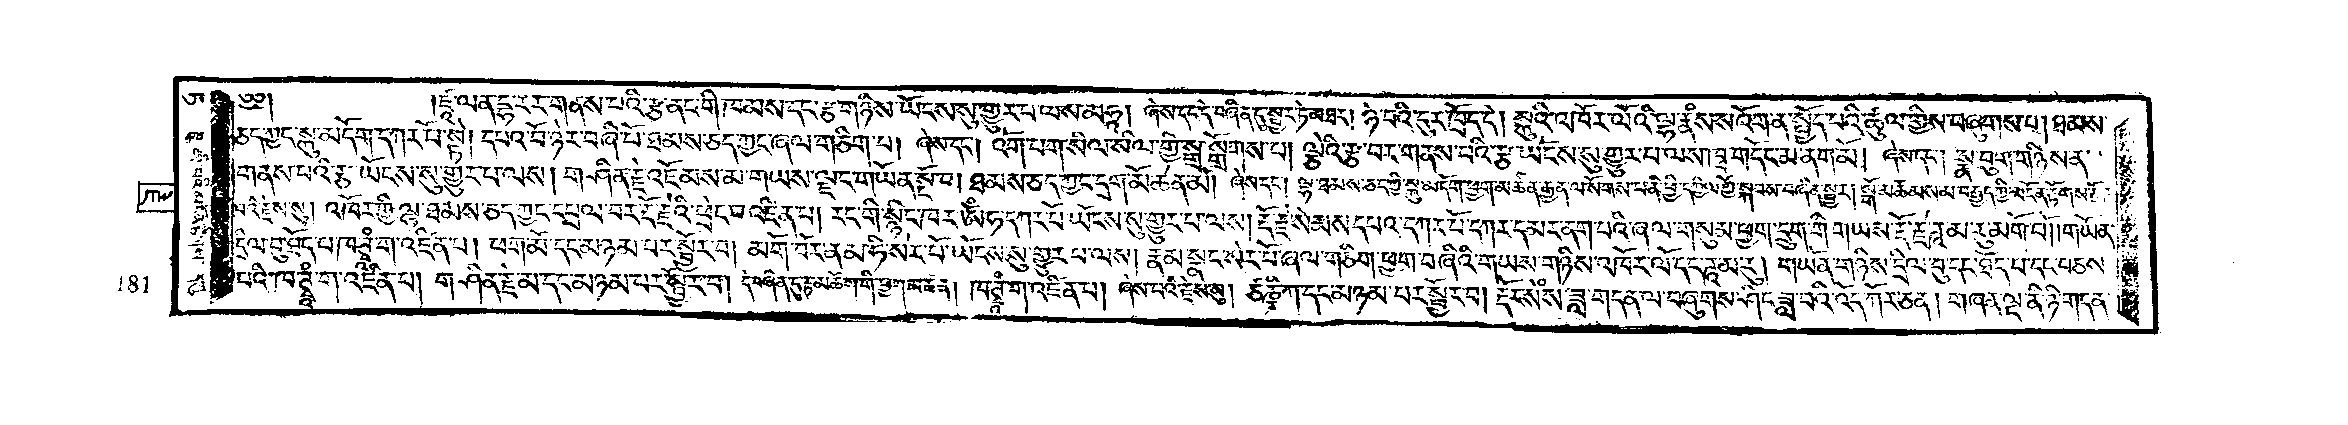༄༅། །ཛཱ་ལན་དྷ་རར་གནས་པའི་རྩ་ནང་གི་ཁམས་དང་རྩ་གཉིས་ཡོངས་སུ་གྱུར་པ་ལས་མཧཱ། ཞེས་དང་དེ་བཞིན་དུ་སྦྱར་ཏེ་མཐར།  ཉེ་བའི་དུར་ཁྲོད་དེ། སྐུའི་འཁོར་ལོའི་ལྷ་རྣམས་ས་འོག་ན་སྤྱོད་པའི་ཚུལ་གྱིས་བཞུགས་པ། ཐམས་ཅད་ཀྱང་སྐུ་མདོག་དཀར་པོ་སྟེ། དཔའ་བོ་ཉེར་བཞི་པོ་ཐམས་ཅད་ཀྱང་ཞལ་གཅིག་པ། ཞེས་དང་།  འོག་པག་སིལ་སིལ་གྱི་སྒྲ་སྒྲོགས་པ། ལྕེའི་རྩ་བར་གནས་པའི་རྩ་ཡོངས་སུ་གྱུར་པ་ལས་ཁྭ་གདོང་མ་ནག་མོ། ཞེས་དང་།  སྣ་བུག་གཉིས་ན་
གནས་པའི་རྩ་ཡོངས་སུ་གྱུར་པ་ལས། གཤིན་རྗེ་འཇོམས་མ་གཡས་ལྗང་གཡོན་སྔོ་བ། ཐམས་ཅད་ཀྱང་དྲག་མོ་ཆེན་མོ། ཞེས་དང་། ལྷ་ཐམས་ཅད་ཀྱི་སྐུ་མདོག་ཕྱག་མཚན་རྒྱན་ལ་སོགས་པ་ནི་ཕྱི་དཀྱིལ་གྱི་སྐབས་བཞིན་སྦྱར། སྒོ་མཚམས་མ་བརྒྱད་ཀྱི་མངོན་རྟོགས་རྫོགས་
པའི་རྗེས་སུ། འཁོར་གྱི་ལྷ་ཐམས་ཅད་ཀྱང་དཔྲལ་བར་རྡོ་རྗེའི་ཕྲེང་བ་འཛིན་པ། རང་གི་སྙིང་ཁར་ཨོཾ་ཧ་དཀར་པོ་ཡོངས་སུ་གྱུར་པ་ལས། རྡོ་རྗེ་སེམས་དཔའ་དཀར་པོ་དཀར་དམར་ནག་པའི་ཞལ་གསུམ་ཕྱག་དྲུག་གི་གཡས་རྡོ་རྗེ་ཌཱ་མ་རུ་མགོ་བོ། །གཡོན་
དྲིལ་བུ་ཐོད་པ་ཁ་ཊྭཱཾ་ག་འཛིན་པ། ཕག་མོ་དང་མཉམ་པར་སྦྱོར་བ། མགོ་བོར་ན་མ་ཧི་སེར་པོ་ཡོངས་སུ་གྱུར་པ་ལས། རྣམ་སྣང་སེར་པོ་ཞལ་གཅིག་ཕྱག་བཞིའི་གཡས་གཉིས་འཁོར་ལོ་དང་ཌཱ་མ་རུ། གཡོན་གཉིས་དྲིལ་བུ་དང་ཐོད་པ་དང་བཅས་
པའི་ཁ་ཊྭཱཾ་ག་འཛིན་པ། གཤིན་རྗེ་མ་དང་མཉམ་པར་སྦྱོར་བ། དེ་བཞིན་དུ་རྟ་མཆོག་གི་ཕྱག་མཚན།  ཁ་ཊྭཱཾ་ག་འཛིན་པ། ཞེས་པའི་རྗེས་སུ།  ཙཎྜི་ཀ་དང་མཉམ་པར་སྦྱོར་བ། རྡོར་སེམས་ཟླ་གདན་ལ་བཞུགས་ཤིང་ཟླ་བའི་འོད་ཀོར་ཅན། གཞན་ལྔ་ནི་ཉི་གདན་